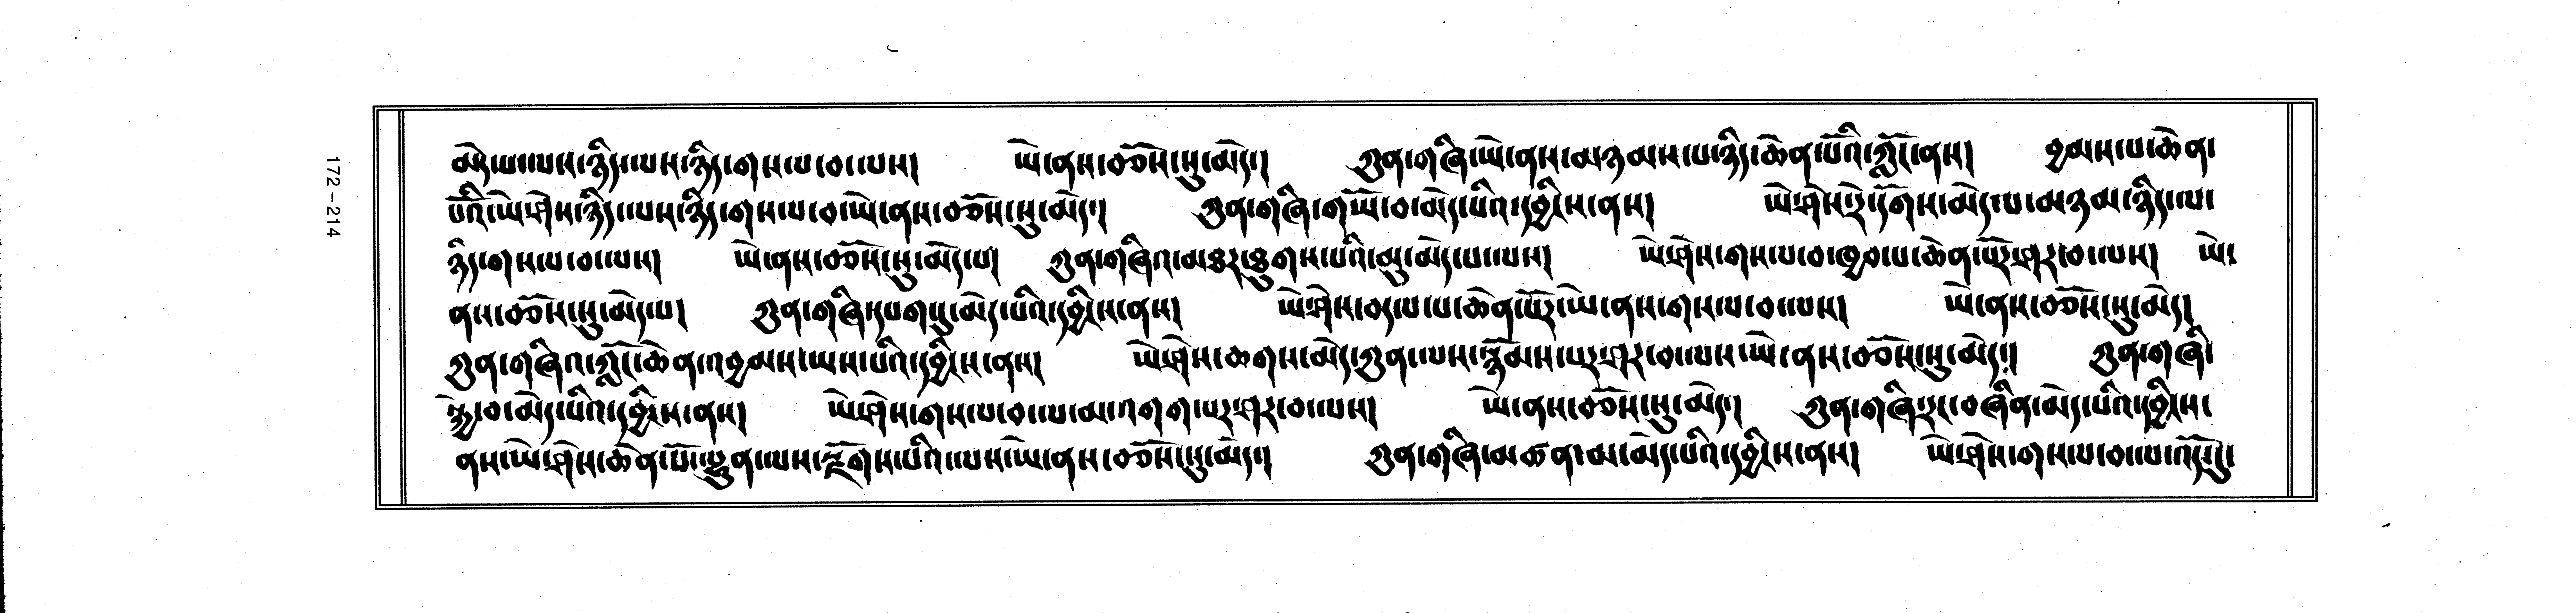མེད་པ་ལས་ཉིད་ལས་ཉིད་གསལ་བ་ལས། ཡེ་ནས་བཅོས་སུ་མེད། ཀུན་གཞི་ཡེ་ནས་མཉམས་པ་ཉིད་ཆེན་པོའི་ཀློང་ནས། བྱམས་པ་ཆེན་
པོའི་ཡེ་ཤེས་ཉིད་ལས་ཉིད་གསལ་བ་ཡེ་ནས་བཅོས་སུ་མེད། ཀུན་གཞི་གཡོ་བ་མེད་པའི་དབྱིངས་ནས། ཡེ་ཤེས་རེ་དོགས་མེད་པ་མཉམ་ཉིད་ལ་
ཉིད་གསལ་བ་ལས། ཡེ་ནས་བཅོས་སུ་མེད་པ། ཀུན་གཞིའ་མཐར་ཐུགས་པའི་མུ་མེད་པ་ལས། ཡེ་ཤེས་གསལ་བ་ཁྱབ་པ་ཆེན་པོར་ཤར་བ་ལས། ཡེ་
ནས་བཅོས་སུ་མེད་པ། ཀུན་གཞི་དཔག་དུ་མེད་པའི་དབྱིངས་ནས། ཡེ་ཤེས་བདལ་པ་ཆེན་པོར་ཡེ་ནས་གསལ་བ་ལས། ཡེ་ནས་བཅོས་སུ་མེད། 
ཀུན་གཞིའ་ཀློང་ཆེན་འབྱམས་ཡས་པའི་དབྱིངས་ནས། ཡེ་ཤེས་ཆགས་མེད་ཀུན་ལས་སྙོམས་པར་ཤར་བ་ལས་ཡེ་ནས་བཅོས་སུ་མེད། ཀུན་གཞི་
སྐྱེ་བ་མེད་པའི་དབྱིངས་ནས། ཡེ་ཤེས་གསལ་བ་ལ་མ་འགག་པར་ཤར་བ་ལས། ཡེ་ནས་བཅོས་སུ་མེད། ཀུན་གཞི་རང་བཞིན་མེད་པའི་དབྱིངས་
ནས་ཡེ་ཤེས་ཆེན་པོ་ལྷུན་ལས་རྫོགས་པའི་ལས་ཡེ་ནས་བཅོས་སུ་མེད། ཀུན་གཞི་མཚན་མ་མེད་པའི་དབྱིངས་ནས། ཡེ་ཤེས་གསལ་བ་ལ་འོད་དུ་